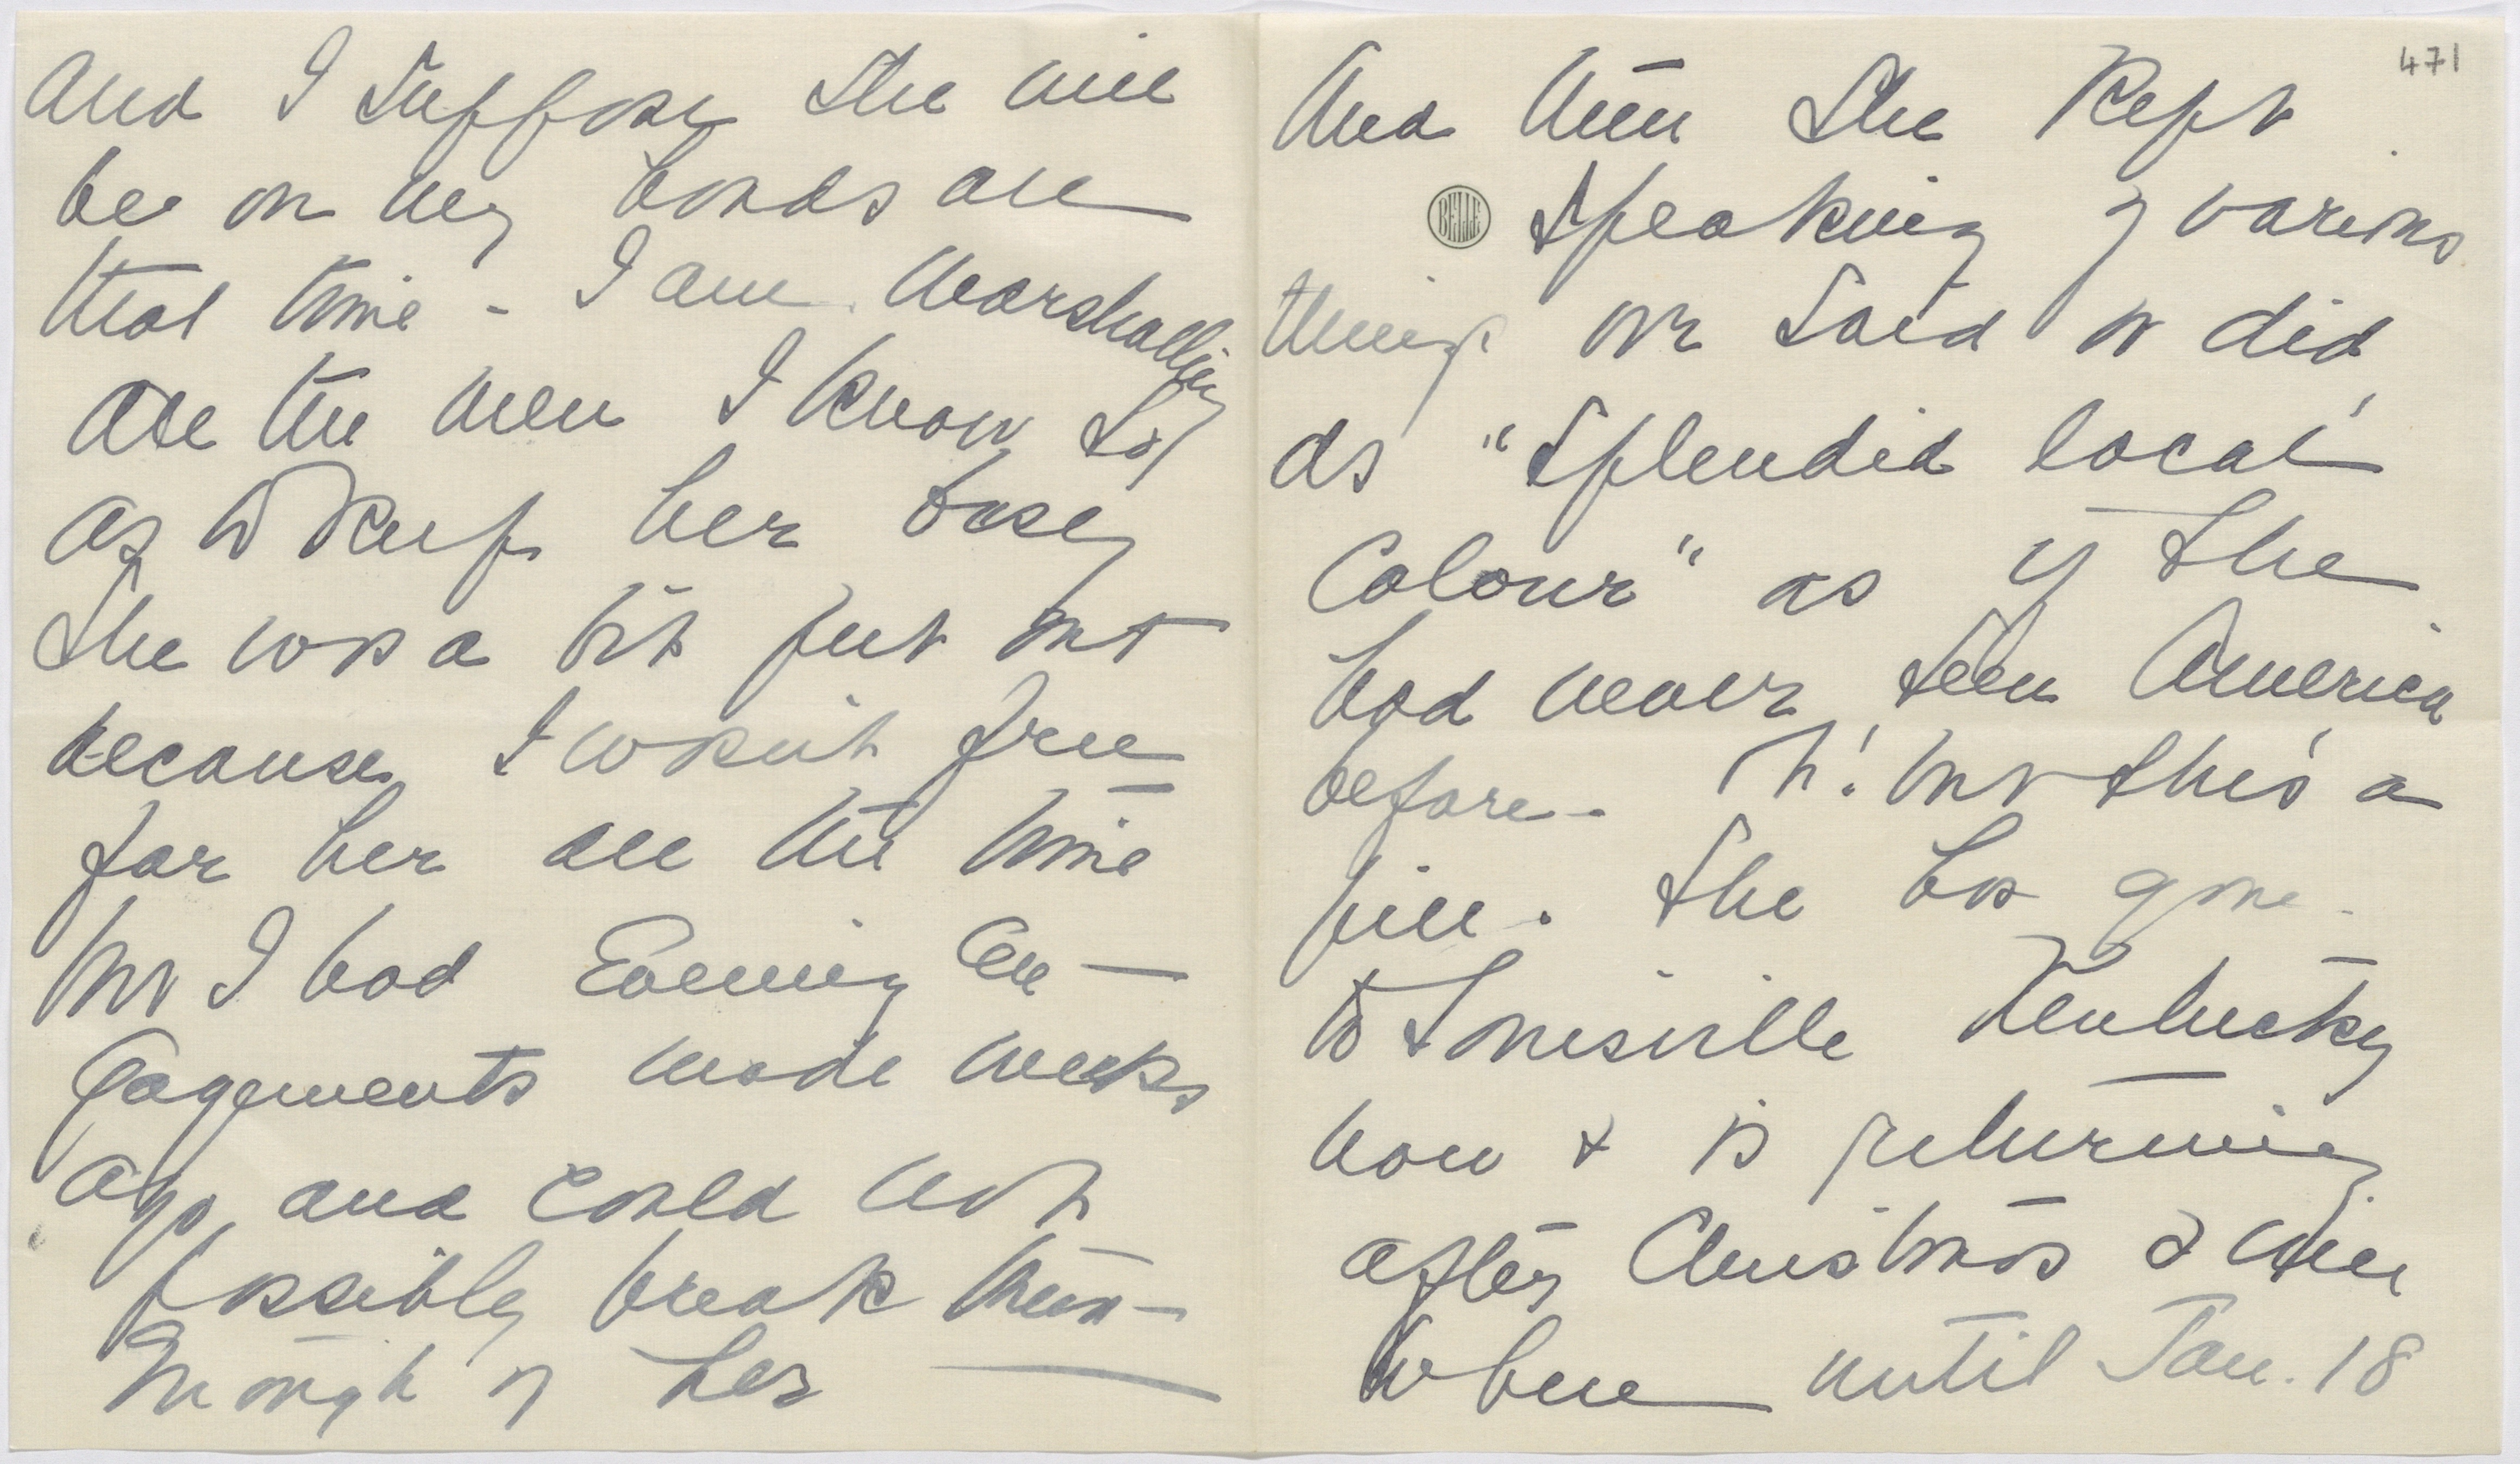And then she kept speaking of various things we said or did, as “splendid local colour” as if she had never seen America before – oh! but she’s a pill. She has gone to Louisville Kentucky now & is returning after Christmas & will be here until Jan. 18
and I suppose she will be on my hands all that time – I am marshalling all the men I know so as to keep her busy She was a bit put out because I wasn’t free for her all the time but I had evening engagements made weeks ago and could not possibly break them – Enough of her –